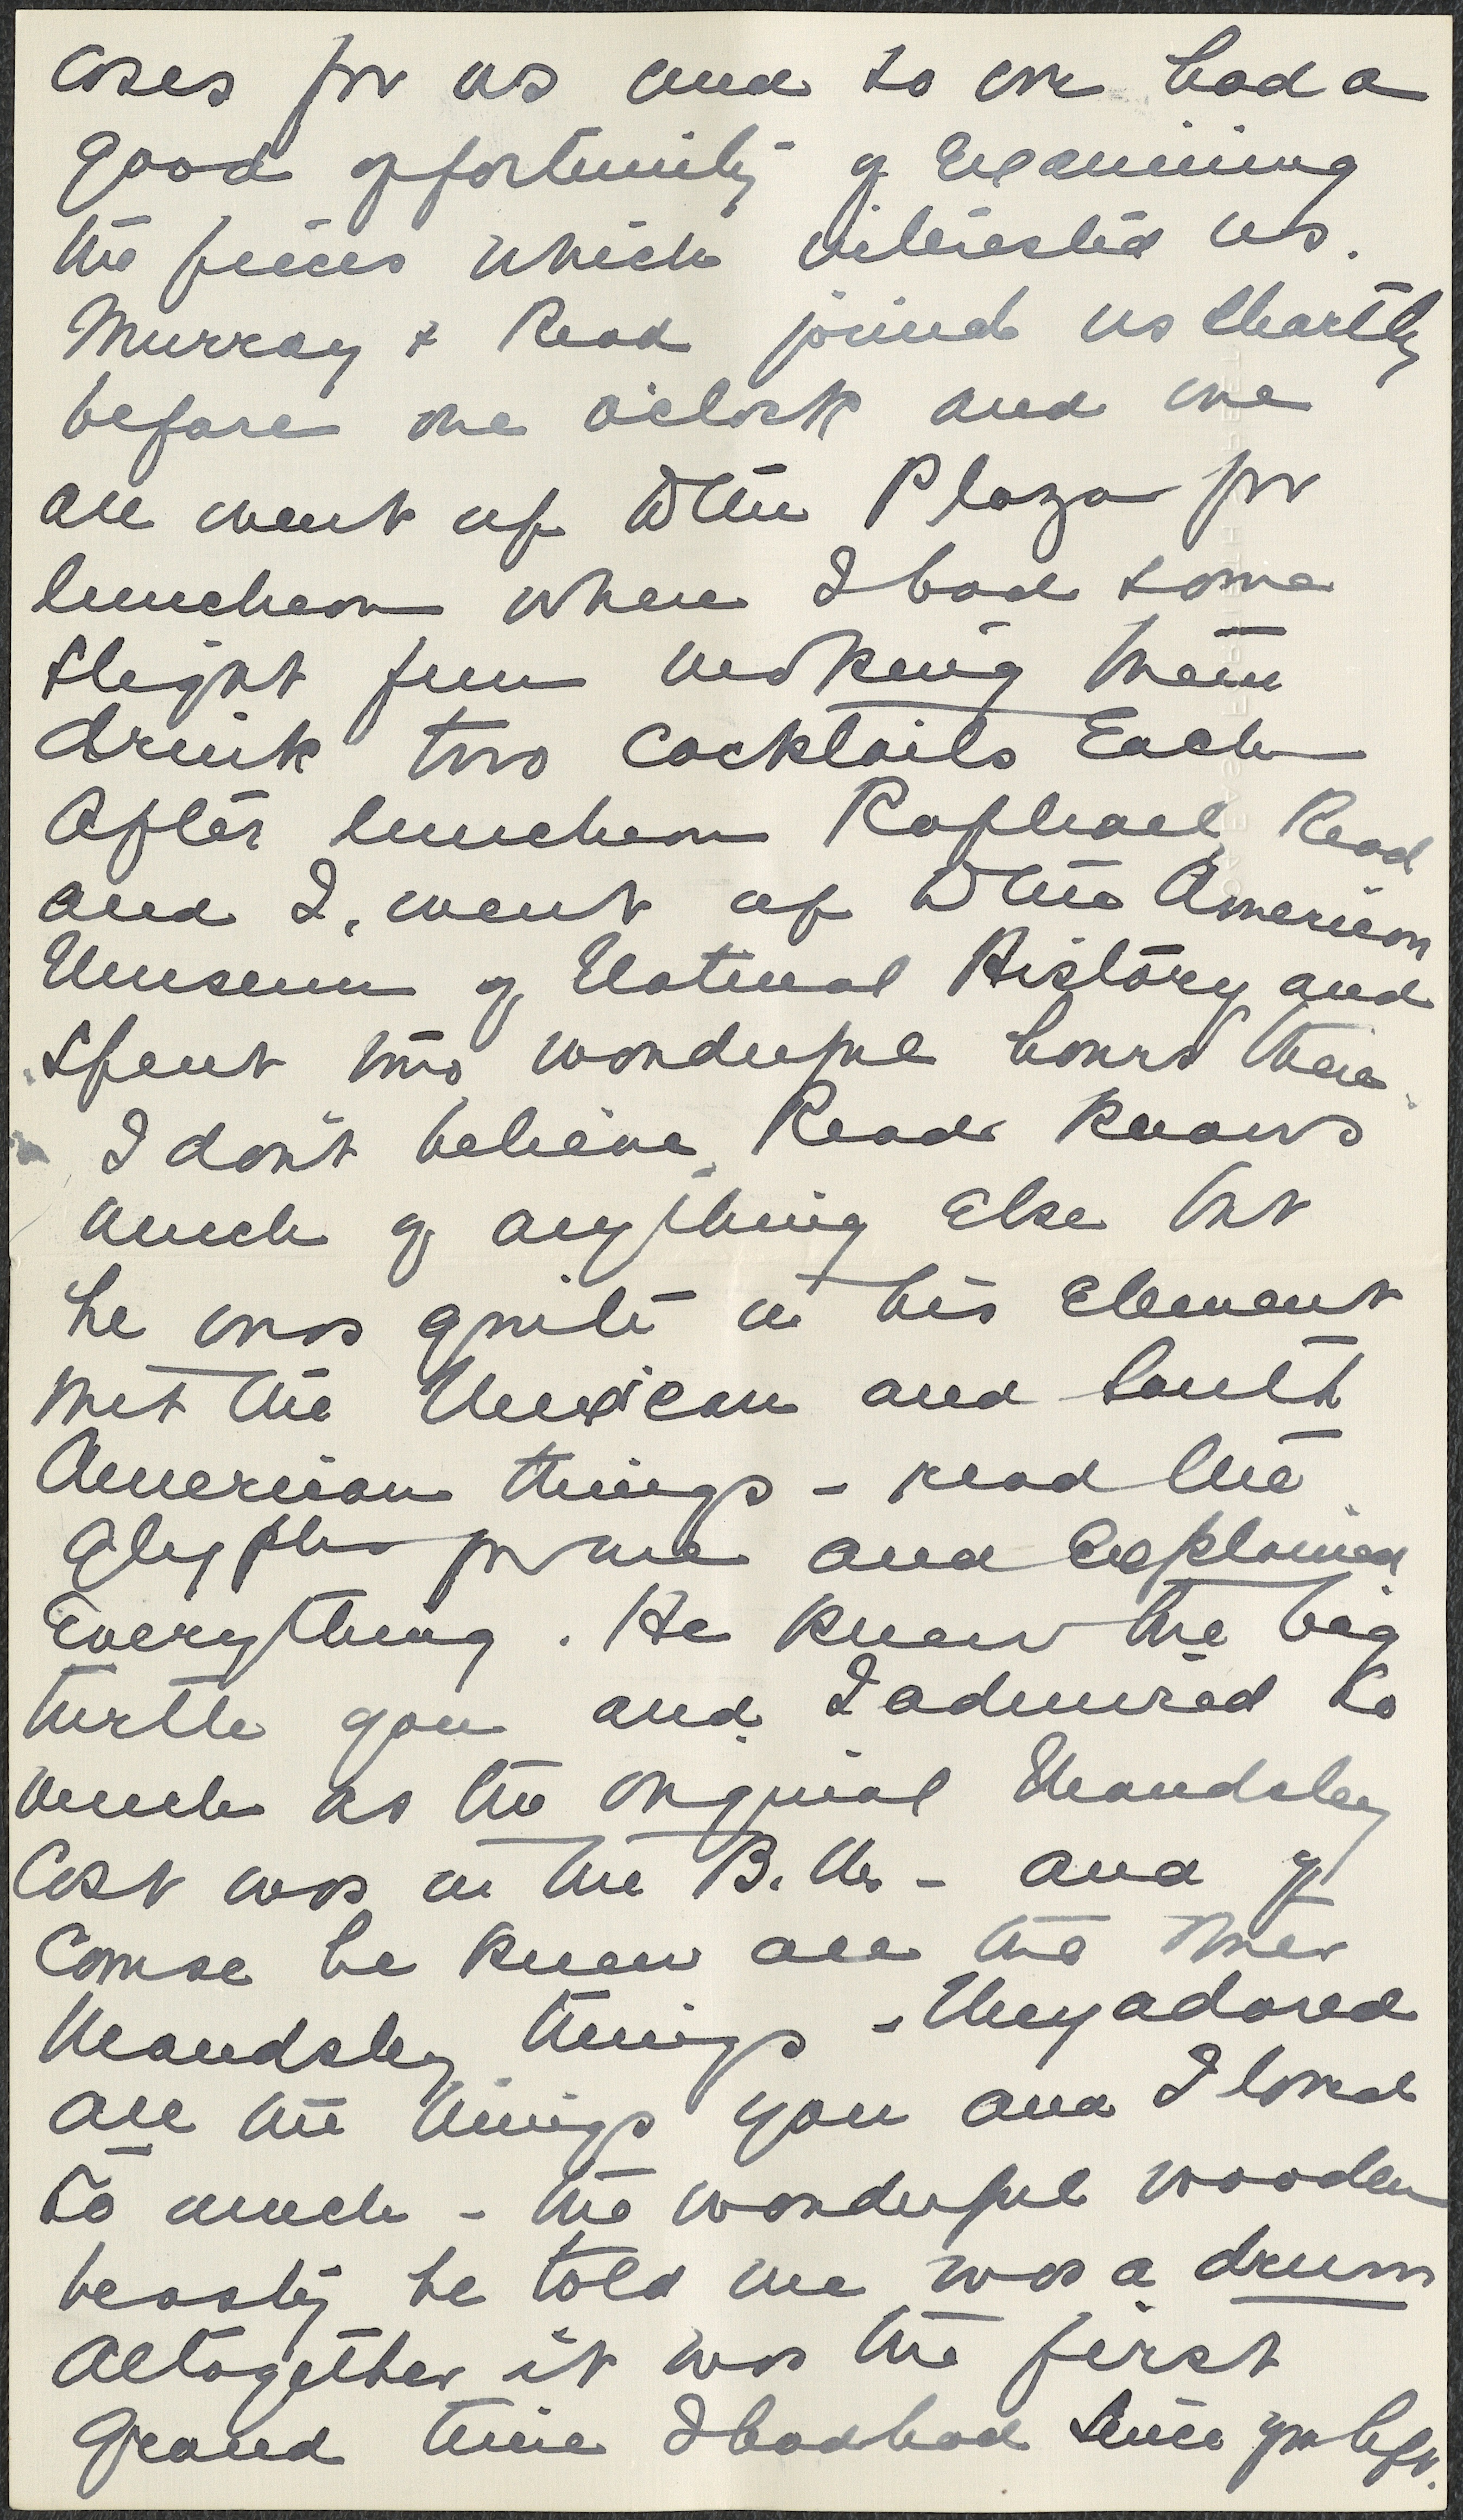cases for us and so we had a good opportunity of examining the pieces which interested us. Murray & Read joined us shortly before one o'clock and we all went up to the Plaza for luncheon where I had some slight fun making them drink two cocktails each after luncheon After luncheon Raphael Read and I, went up to the American Museum of Natural History and spent two wonderful hours there. I don't believe Read knows much of anything else but he was quite in his element with the Mexican and South American things – read the glyphs for me and explained everything. He knew the big turtle you and I admired so much as the original Maudsley cast was in the B.M. – and of course he knew all the other Maudsley things – they adored all the things you and I loved so much – the wonderful wooden beasty he told me was a drum altogether it was the first grand time I had had since you left.